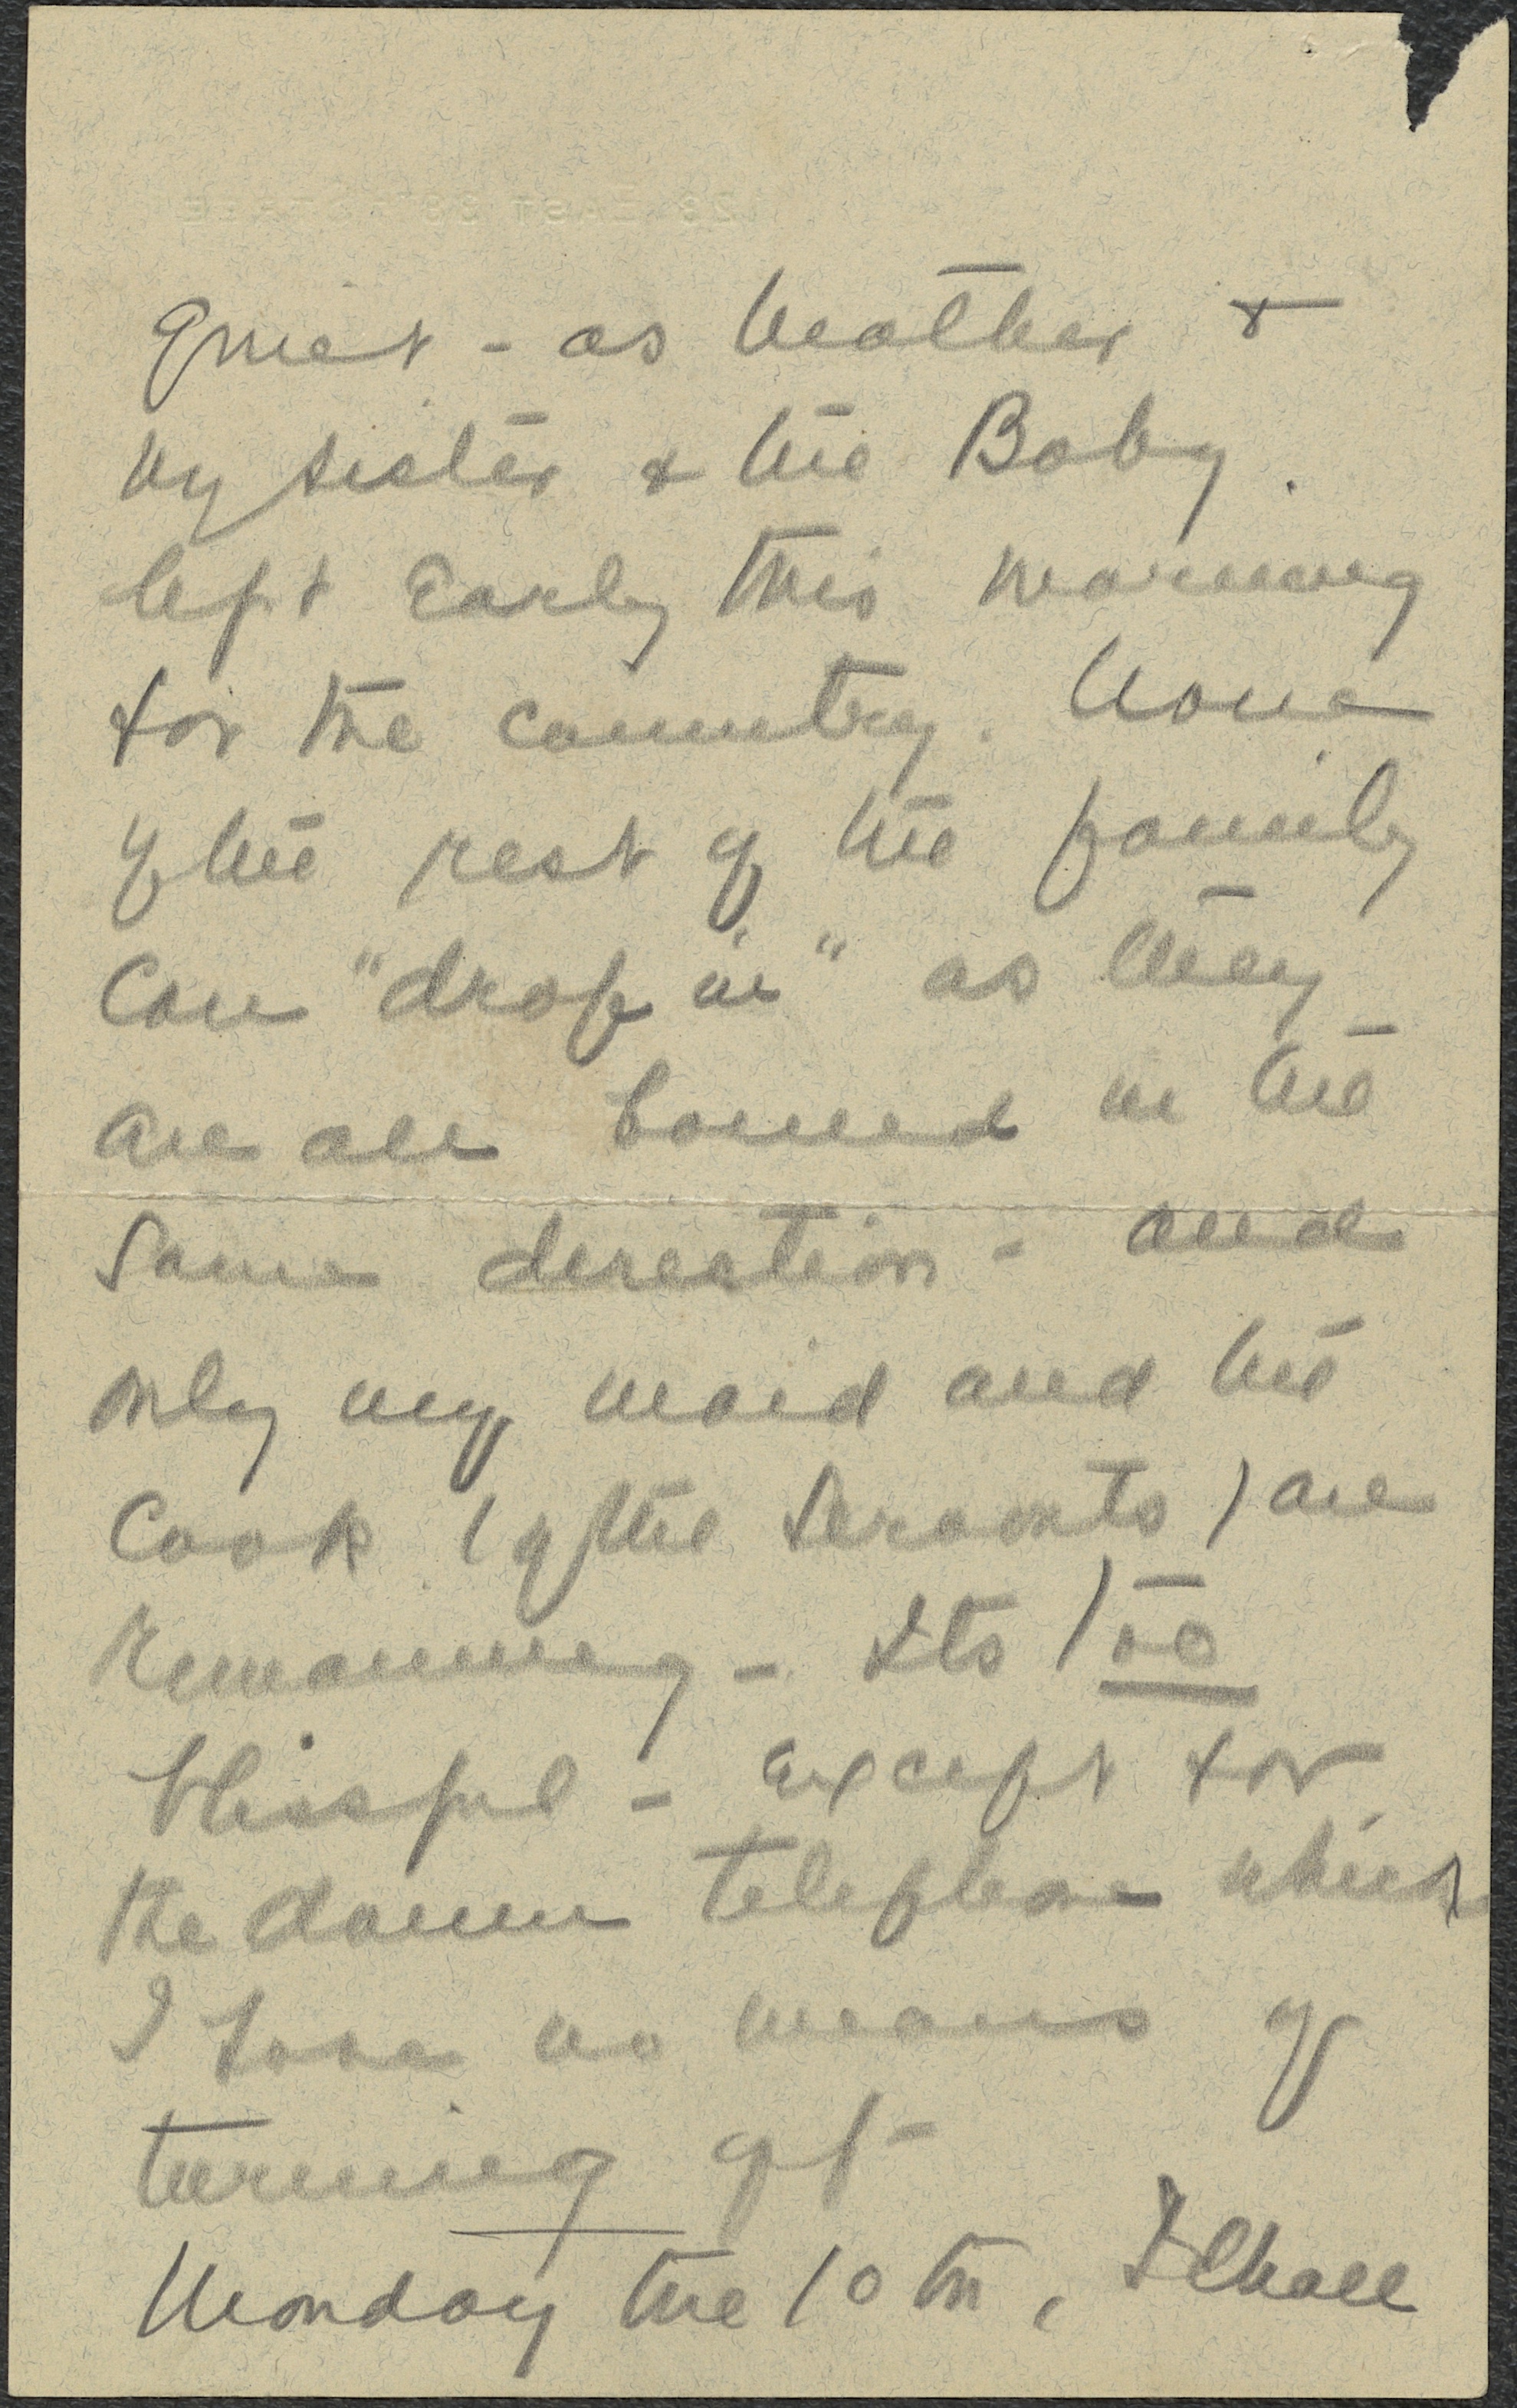quiet – as mother & my sister & the Baby left early this morning for the country. None of the rest of the family can "drop in" as they are all bound in the same direction – and only my maid and the cook (of the servants) are remaining – Its too blissful – except for the damn telephone which I have no means of turning off –
Monday the 10th, I shall